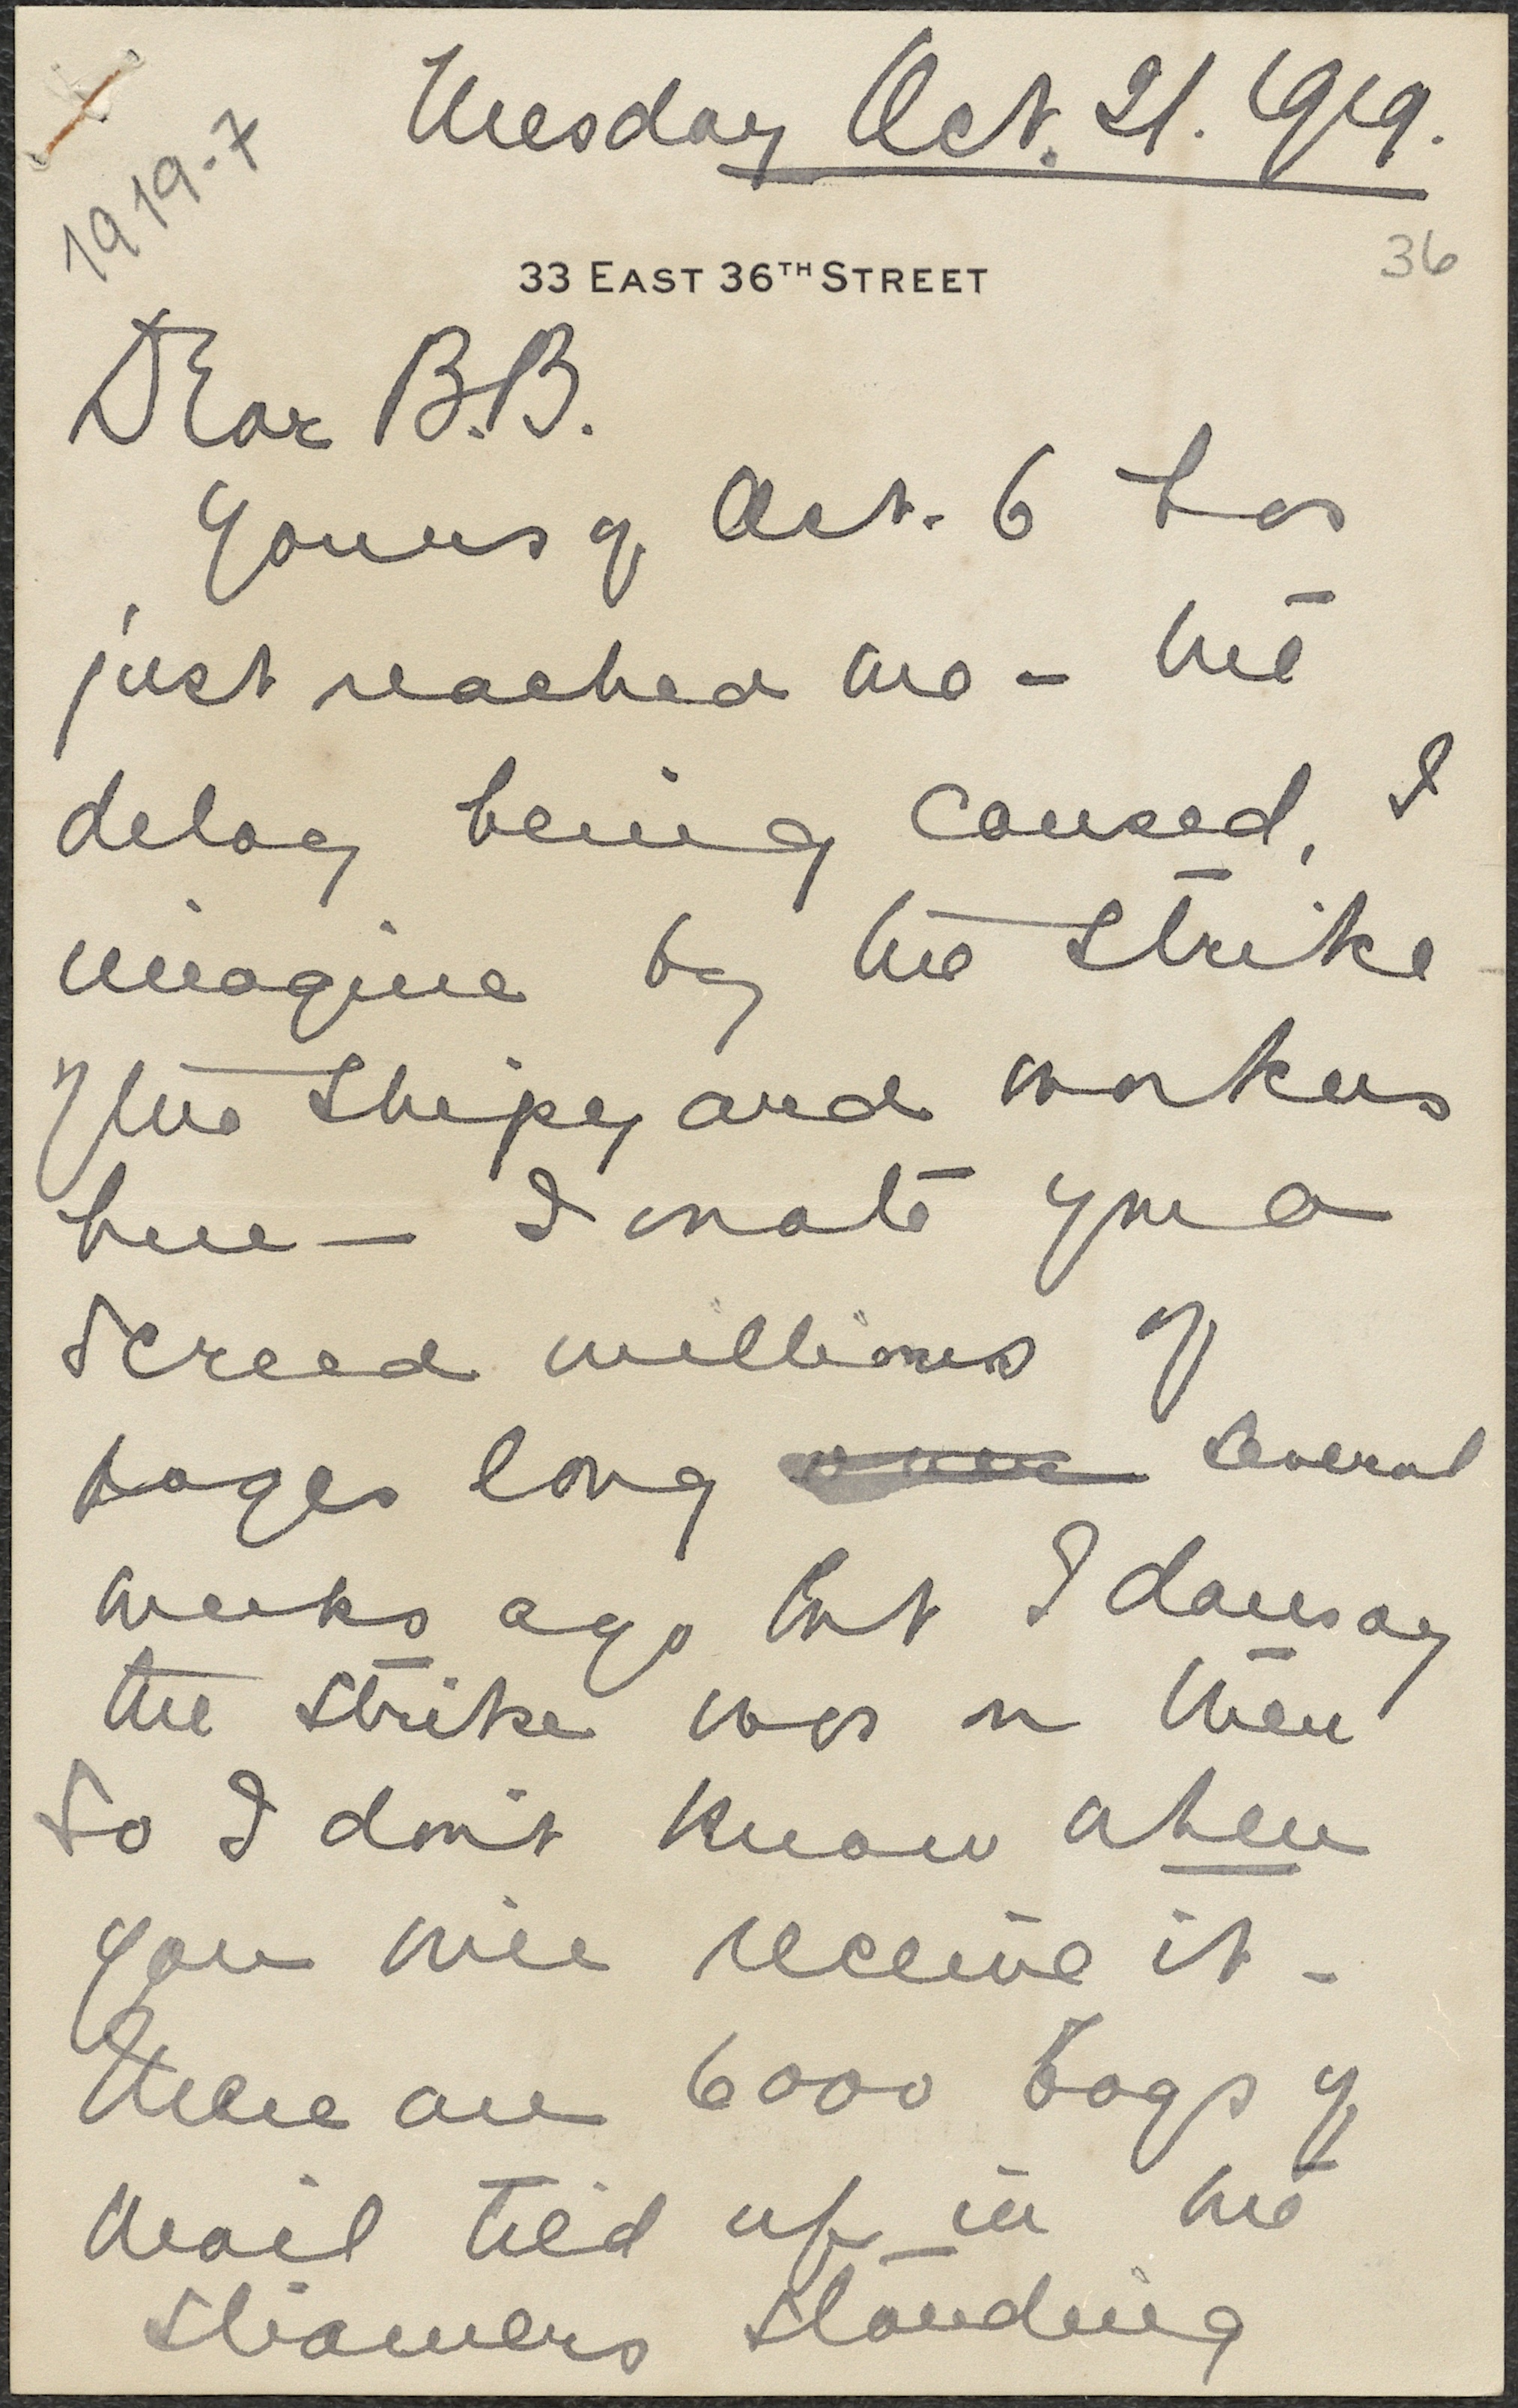Tuesday Oct. 21. 1919.
Dear B.B.
Yours of Oct. 6 has just reached me – the delay being caused, I imagine by the strike of the shipyard workers here – I wrote you a screed millions of pages long over several weeks ago but I daresay the strike was on then so I don't know when you will receive it – There are 6000 bags of mail tied up in the steamers standing